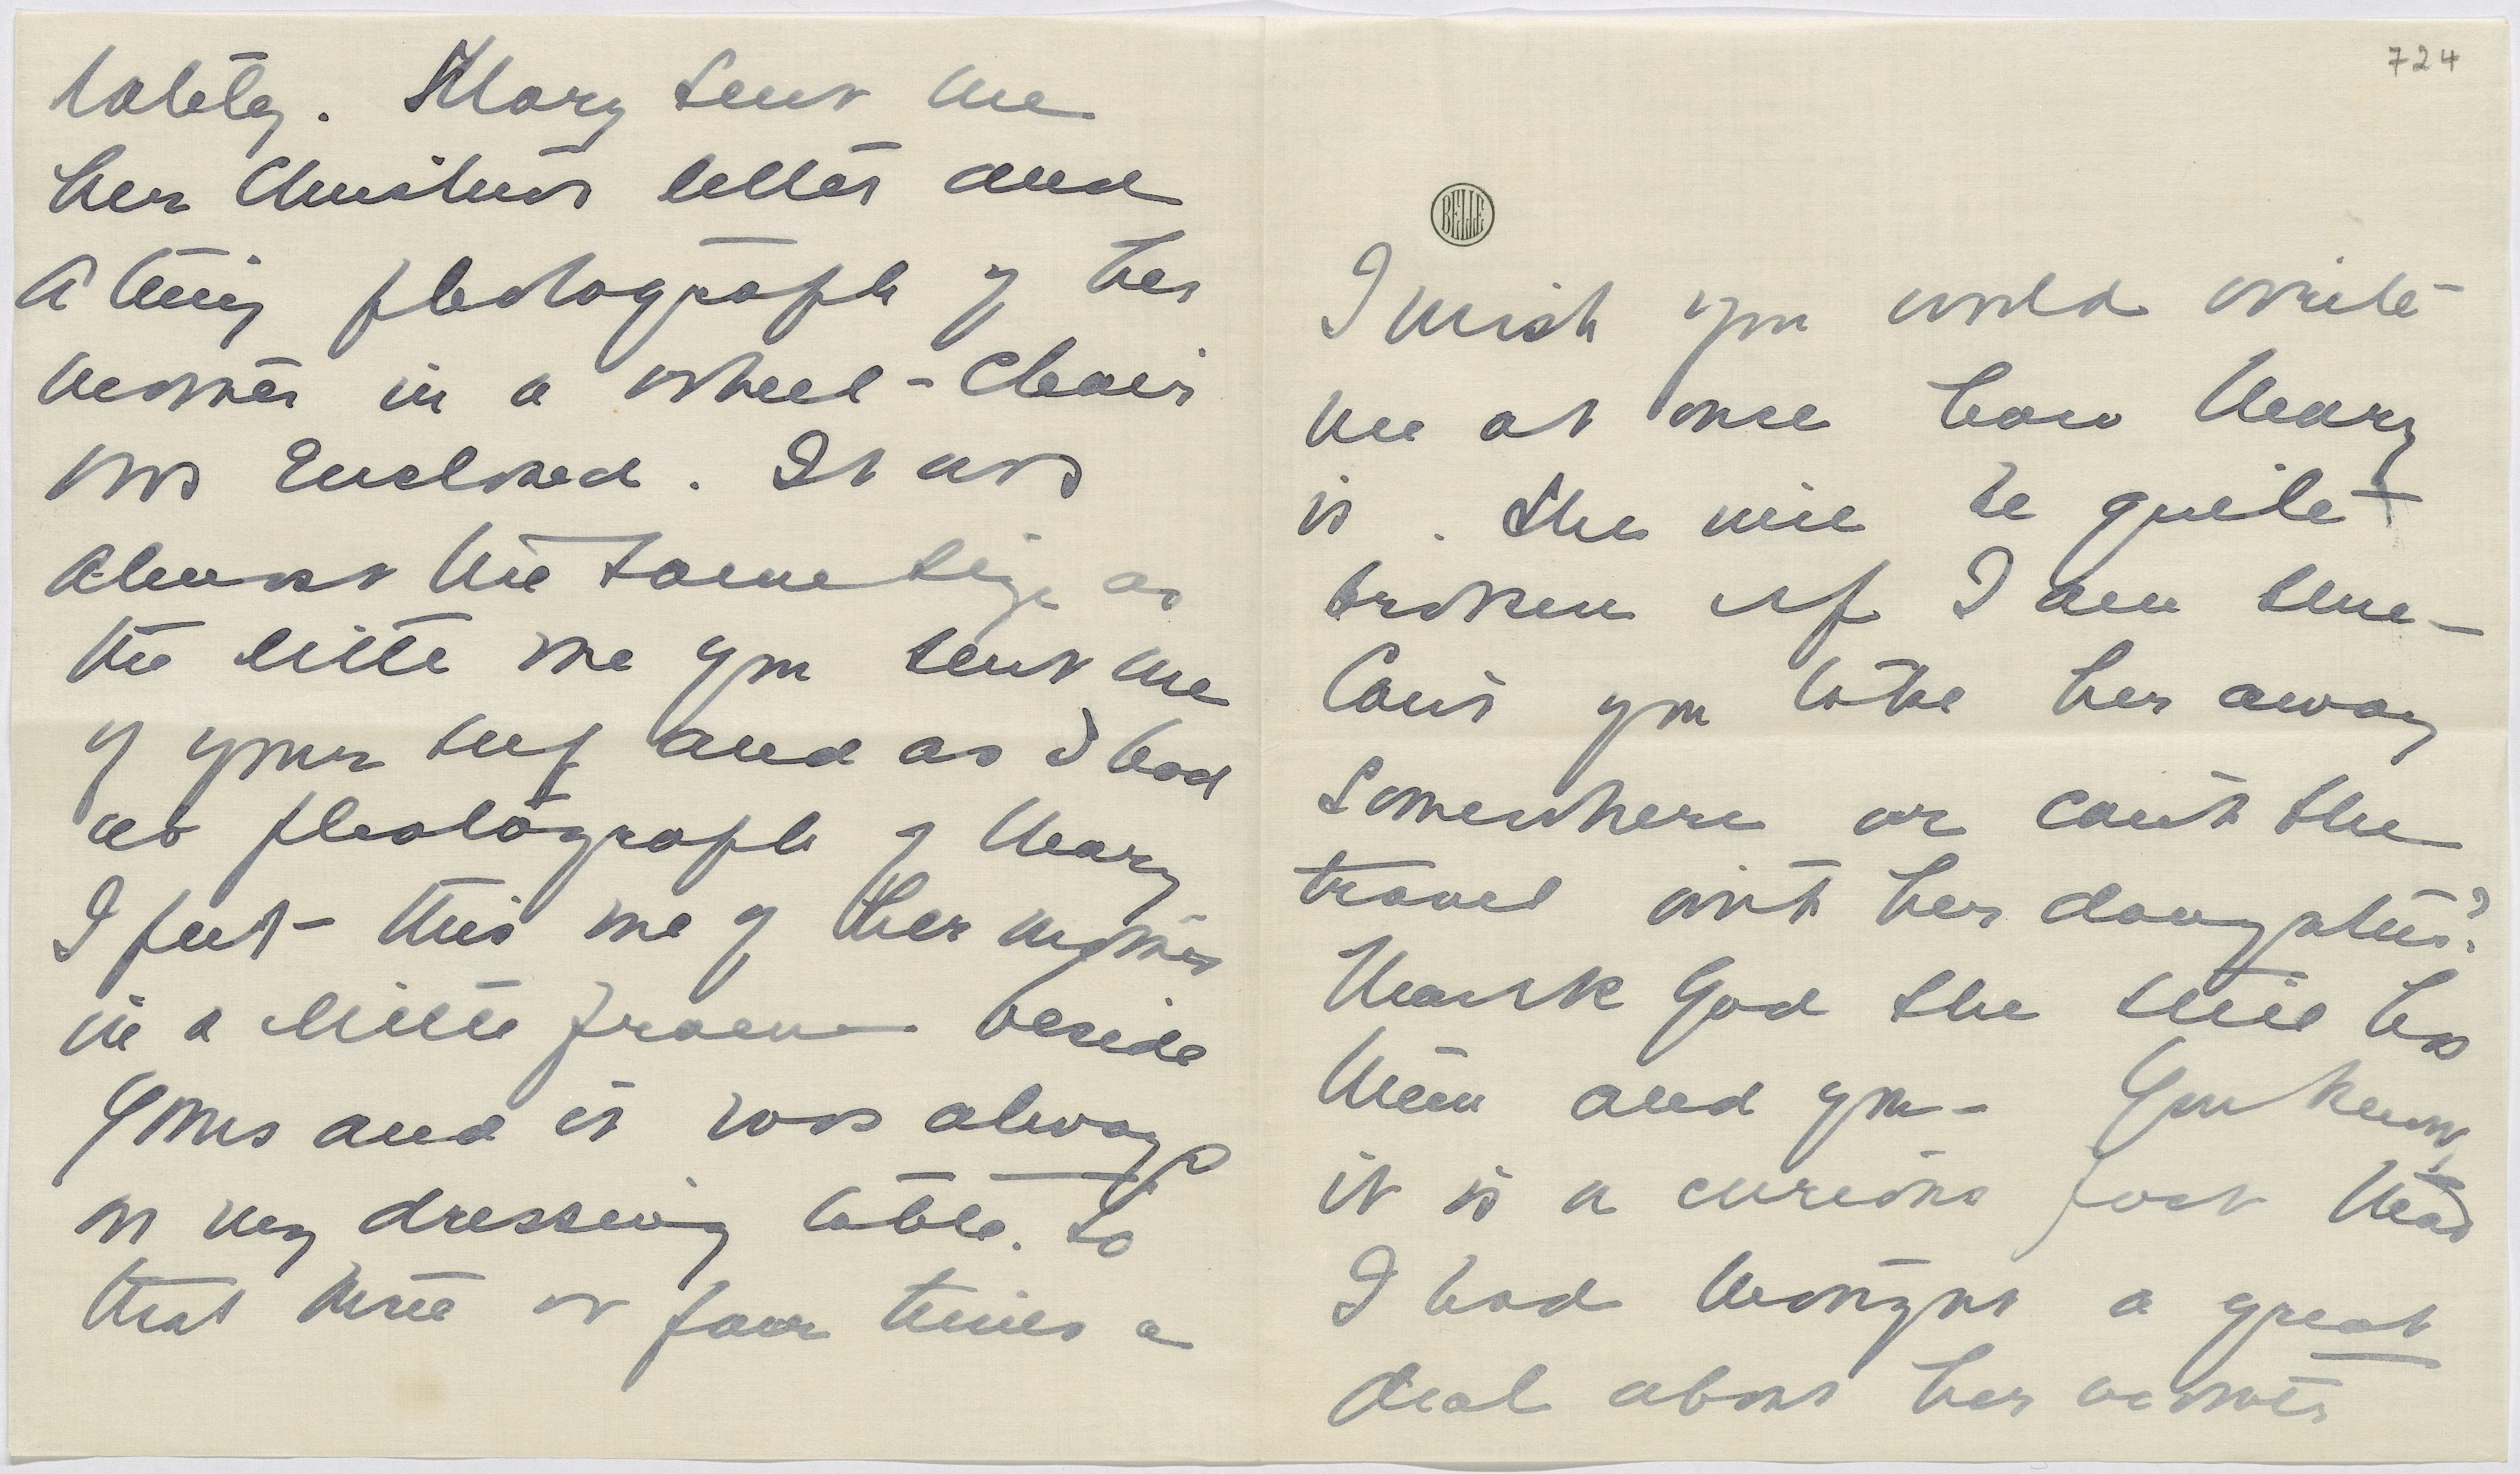I wish you would write me at once how Mary is. She will be quite broken up I am sure – Can’t you take her away somewhere or can’t she travel with her daughter? Thank God she still has them and you – You know it is a curious fact that I had thought a great deal about her mother
lately. Mary sent me her Christmas letter and a tiny photograph of her mother in a wheel-chair was enclosed. It was almost the same size as the little one you sent me of your self and as I had no photograph of Mary I put this one of her right in a little frame beside yours and it was always on my dressing table. So that three or four times a